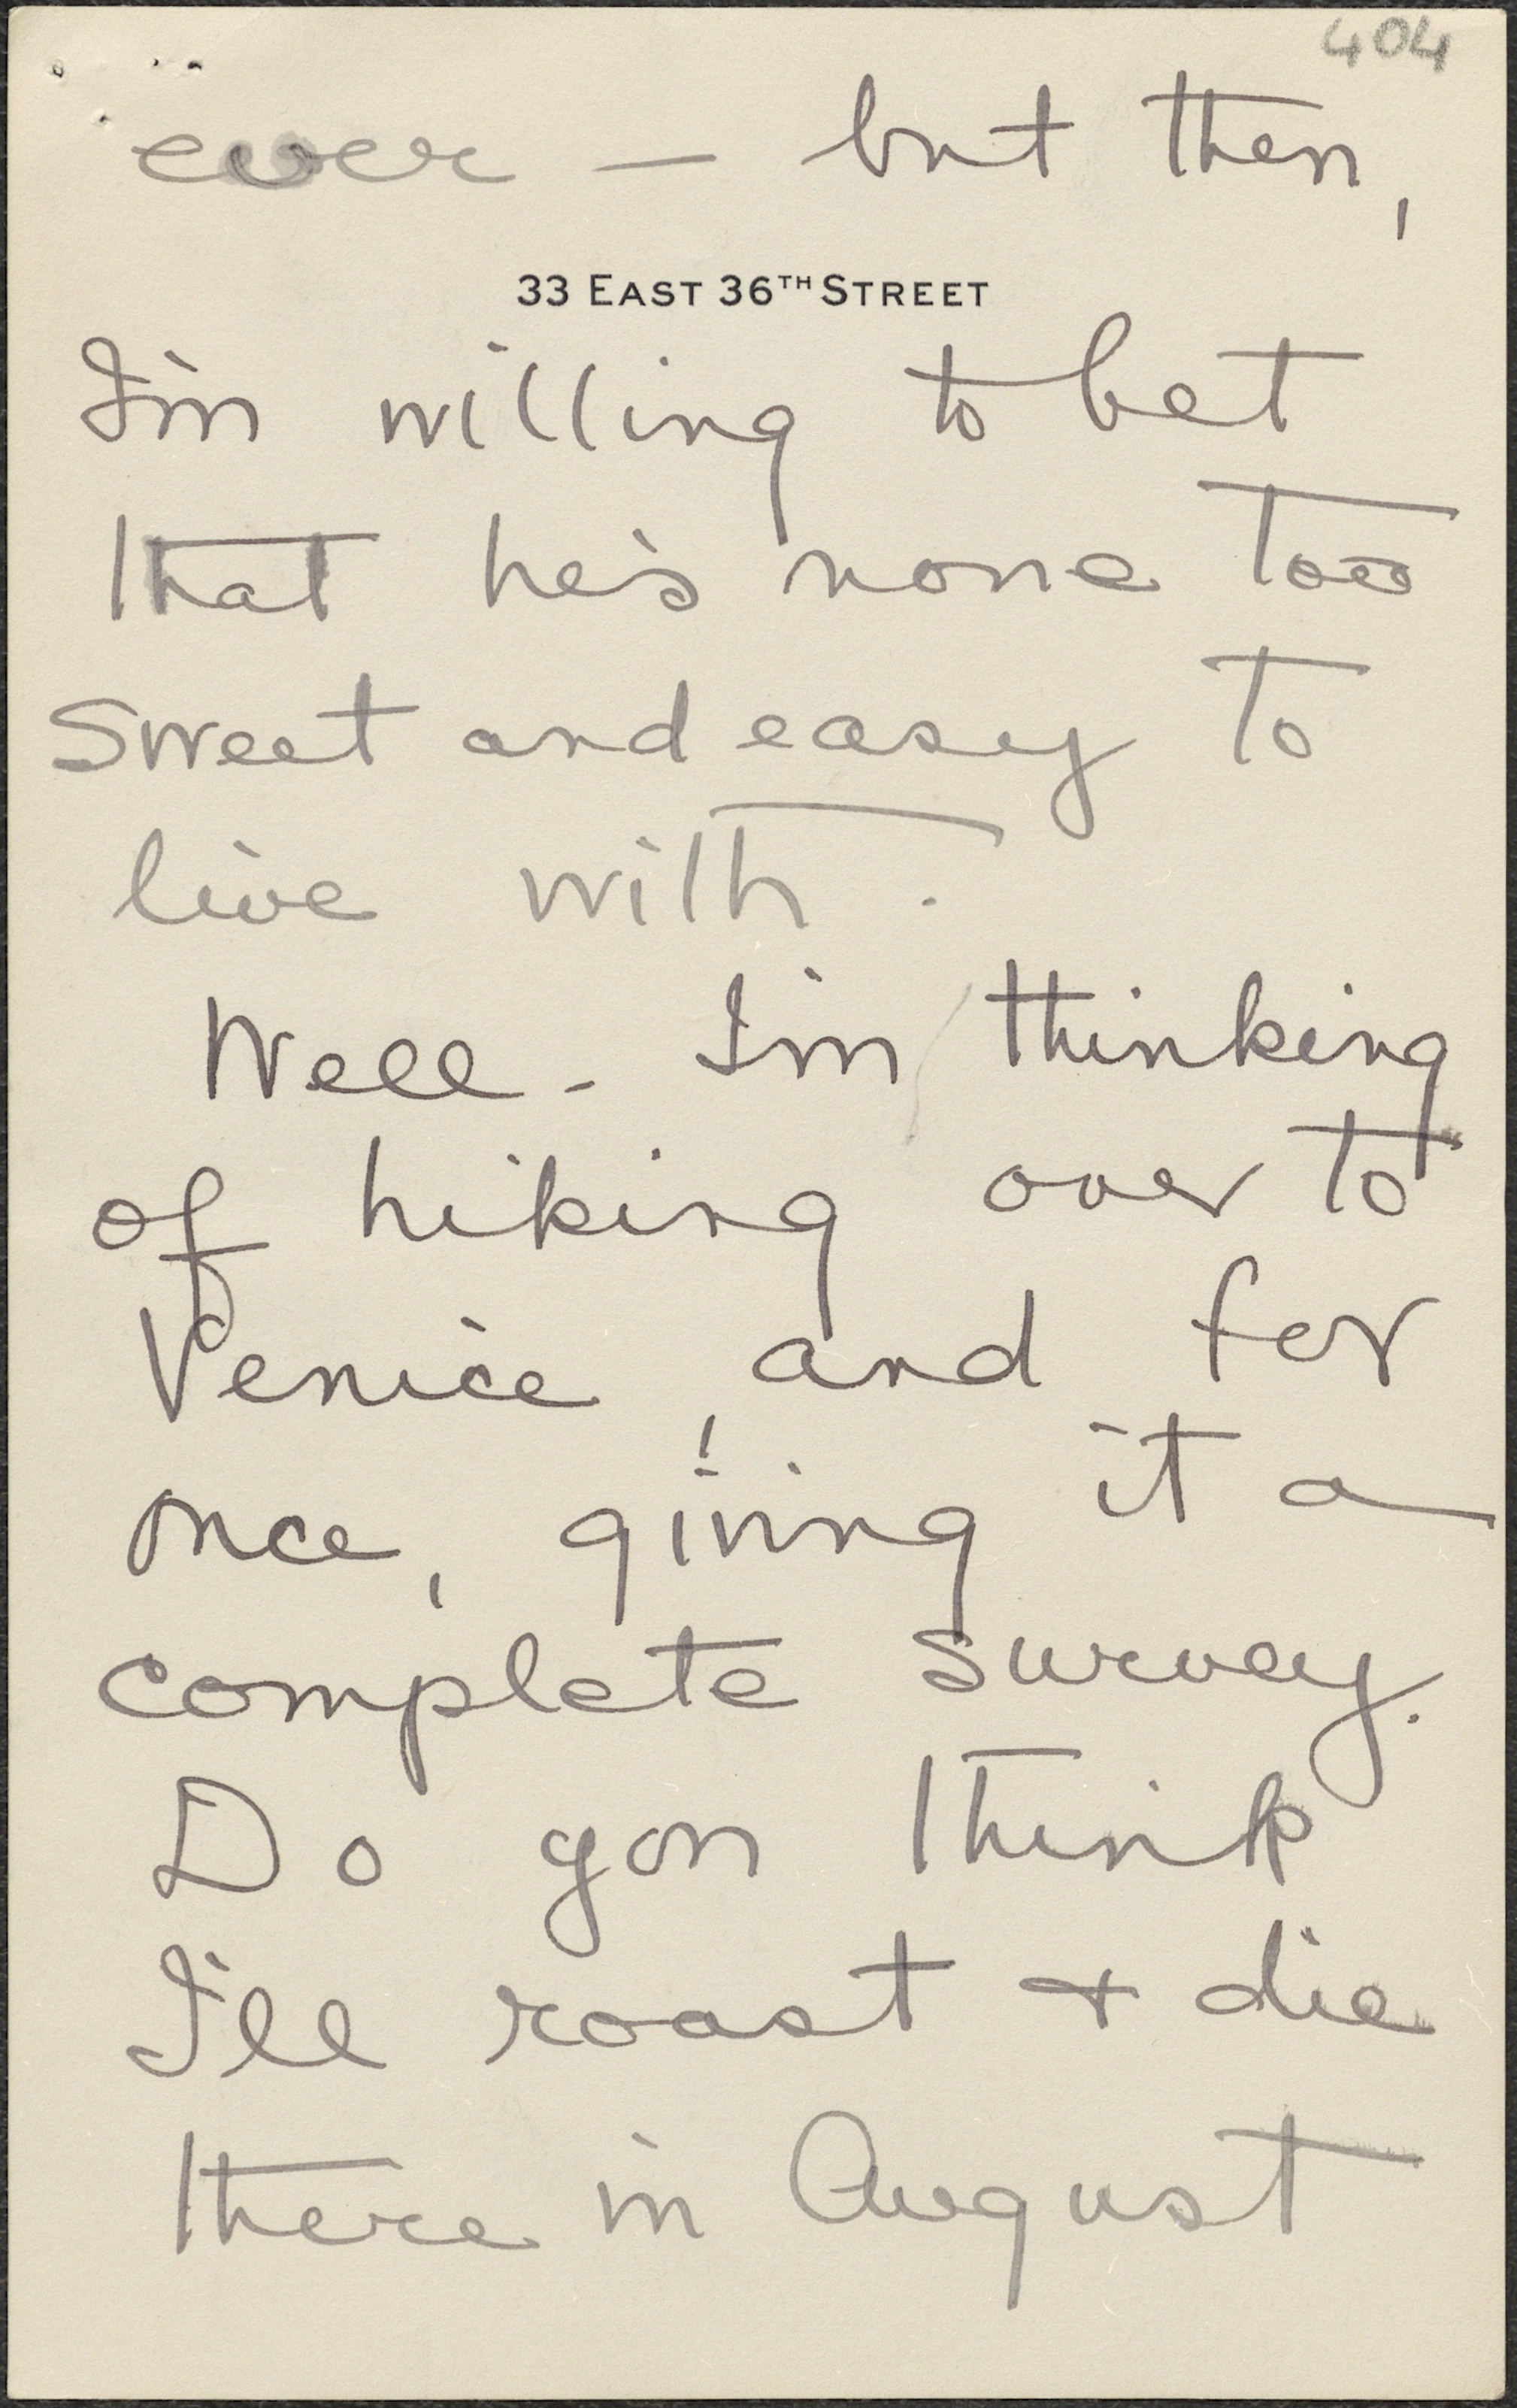ever – but then, I’m willing to bet that he’s none too sweet and easy to live with.
Well – I’m thinking of hiking over to Venice, and for once, giving it a complete survey.
Do you think I’ll roast & die there in August